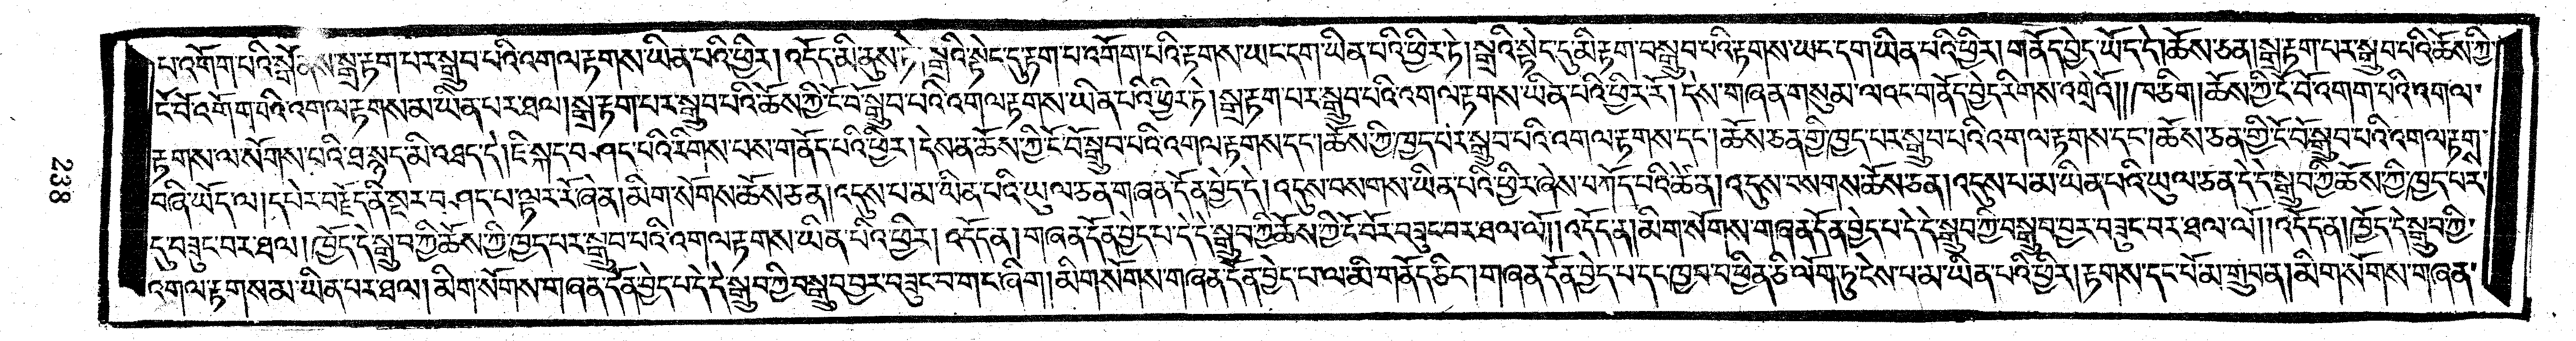པ་འགོག་པའི་སྒོ་ནས་སྒྲ་རྟག་པར་སྒྲུབ་པའི་འགལ་རྟགས་ཡིན་པའི་ཕྱིར། འདོད་མི་ནུས་ཏེ། སྒྲའི་སྟེང་དུ་རྟག་པ་འགོག་པའི་རྟགས་ཡང་དག་ཡིན་པའི་ཕྱིར་ཏེ། སྒྲའི་སྟེང་དུ་མི་རྟག་པ་སྒྲུབ་པའི་རྟགས་ཡང་དག་ཡིན་པའི་ཕྱིར། གནོད་བྱེད་ཡོད་དེ། ཆོས་ཅན། སྒྲ་རྟག་པར་སྒྲུབ་པའི་ཆོས་ཀྱི་
ངོ་བོ་འགོག་པའི་འགལ་རྟགས་མ་ཡིན་པར་ཐལ། སྒྲ་རྟག་པར་སྒྲུབ་པའི་ཆོས་ཀྱི་ངོ་བོ་སྒྲུབ་པའི་འགལ་རྟགས་ཡིན་པའི་ཕྱིར་ཏེ། སྒྲ་རྟག་པར་སྒྲུབ་པའི་འགལ་རྟགས་ཡིན་པའི་ཕྱིར་རོ། །དེས་གཞན་གསུམ་ལའང་གནོད་བྱེད་རིགས་འགྲེའོ། །ཁ་ཅིག །ཆོས་ཀྱི་ངོ་བོ་འགོག་པའི་འགལ་
རྟགས་ལ་སོགས་པའི་ཐ་སྙད་མི་འཐད་དེ། ཇི་སྐད་བཤད་པའི་རིགས་པས་གནོད་པའི་ཕྱིར། དེས་ན་ཆོས་ཀྱི་ངོ་བོ་སྒྲུབ་པའི་འགལ་རྟགས་དང་། ཆོས་ཀྱི་ཁྱད་པར་སྒྲུབ་པའི་འགལ་རྟགས་དང་། ཆོས་ཅན་གྱི་ཁྱད་པར་སྒྲུབ་པའི་འགལ་རྟགས་དང་། ཆོས་ཅན་གྱི་ངོ་བོ་སྒྲུབ་པའི་འགལ་རྟགས་
བཞི་ཡོད་ལ། དཔེར་བརྗོད་ནི་སྔར་བཤད་པ་ལྟར་རོ་ཞེ་ན། མིག་སོགས་ཆོས་ཅན། འདུས་པ་མ་ཡིན་པའི་ཡུལ་ཅན་གཞན་དོན་བྱེད་དེ། འདུས་བསགས་ཡིན་པའི་ཕྱིར་ཞེས་བཀོད་པའི་ཚེ་ན། འདུས་བསགས་ཆོས་ཅན། འདུས་པ་མ་ཡིན་པའི་ཡུལ་ཅན་དེ་དེ་སྒྲུབ་ཀྱི་ཆོས་ཀྱི་ཁྱད་པར་
དུ་བཟུང་བར་ཐལ། ཁྱོད་དེ་སྒྲུབ་ཀྱི་ཆོས་ཀྱི་ཁྱད་པར་སྒྲུབ་པའི་འགལ་རྟགས་ཡིན་པའི་ཕྱིར། འདོད་ན། གཞན་དོན་བྱེད་པ་དེ་དེ་སྒྲུབ་ཀྱི་ཆོས་ཀྱི་ངོ་བོར་བཟུང་བར་ཐལ་ལོ། །འདོད་ན། མིག་སོགས་གཞན་དོན་བྱེད་པ་དེ་དེ་སྒྲུབ་ཀྱི་བསྒྲུབ་བྱར་བཟུང་བར་ཐལ་ལོ། །འདོད་ན། ཁྱོད་དེ་སྒྲུབ་ཀྱི་
འགལ་རྟགས་མ་ཡིན་པར་ཐལ། མིག་སོགས་གཞན་དོན་བྱེད་པ་དེ་དེ་སྒྲུབ་ཀྱི་བསྒྲུབ་བྱར་གཟུང་བ་གང་ཞིག །མིག་སོགས་གཞན་དོན་བྱེད་པ་ལ་མི་གནོད་ཅིང་། གཞན་དོན་བྱེད་པ་དང་ཁྱབ་པ་ཕྱིན་ཅི་ལོག་ཏུ་ངེས་པ་མ་ཡིན་པའི་ཕྱིར། རྟགས་དང་པོ་མ་གྲུབ་ན། མིག་སོགས་གཞན་